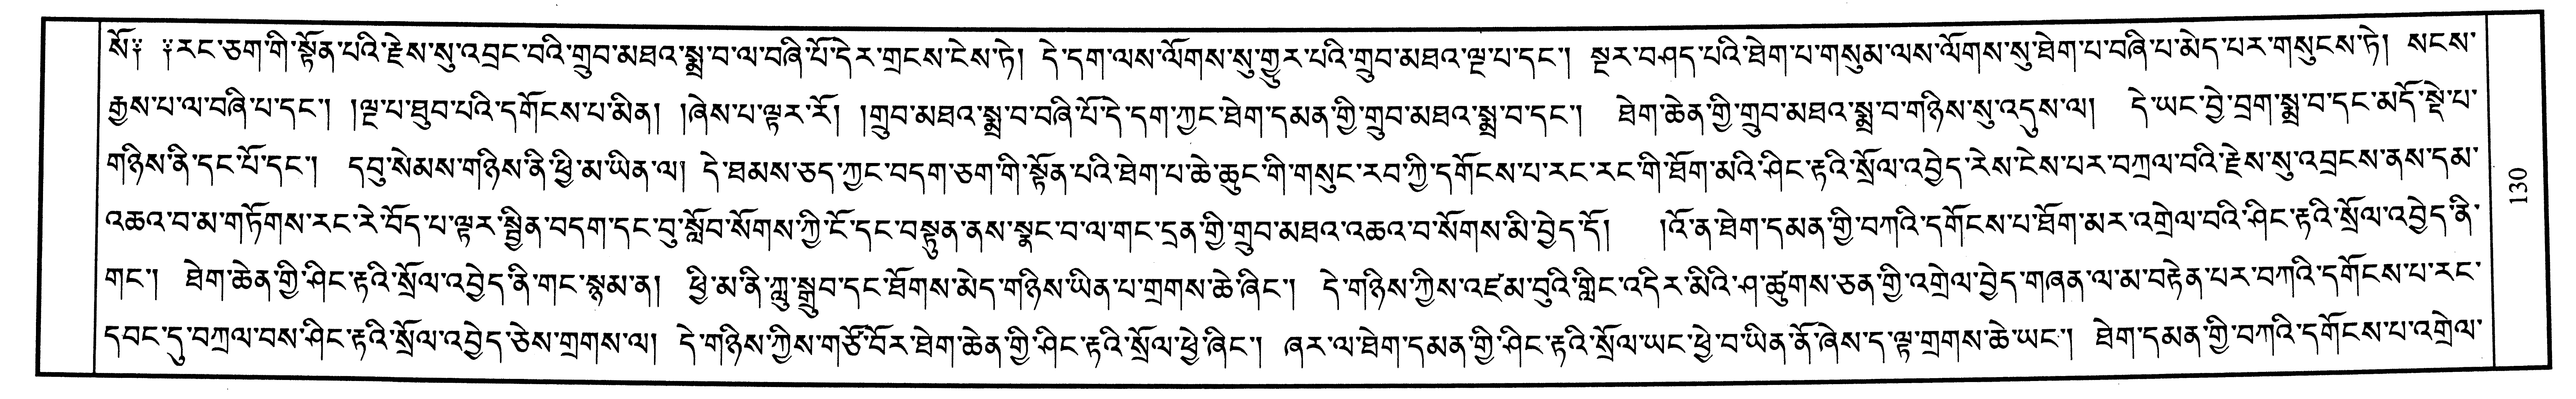སོ༑ ༑རང་ཅག་གི་སྟོན་པའི་རྗེས་སུ་འབྲང་བའི་གྲུབ་མཐའ་སྨྲ་བ་ལ་བཞི་པོ་དེར་གྲངས་ངེས་ཏེ། དེ་དག་ལས་ལོགས་སུ་གྱུར་པའི་གྲུབ་མཐའ་ལྔ་པ་དང་། སྔར་བཤད་པའི་ཐེག་པ་གསུམ་ལས་ལོགས་སུ་ཐེག་པ་བཞི་པ་མེད་པར་གསུངས་ཏེ། སངས་
རྒྱས་པ་ལ་བཞི་པ་དང་། །ལྔ་པ་ཐུབ་པའི་དགོངས་པ་མིན། །ཞེས་པ་ལྟར་རོ། །གྲུབ་མཐའ་སྨྲ་བ་བཞི་པོ་དེ་དག་ཀྱང་ཐེག་དམན་གྱི་གྲུབ་མཐའ་སྨྲ་བ་དང་། ཐེག་ཆེན་གྱི་གྲུབ་མཐའ་སྨྲ་བ་གཉིས་སུ་འདུས་ལ། དེ་ཡང་བྱེ་བྲག་སྨྲ་བ་དང་མདོ་སྡེ་པ་
གཉིས་ནི་དང་པོ་དང་། དབུ་སེམས་གཉིས་ནི་ཕྱི་མ་ཡིན་ལ། དེ་ཐམས་ཅད་ཀྱང་བདག་ཅག་གི་སྟོན་པའི་ཐེག་པ་ཆེ་ཆུང་གི་གསུང་རབ་ཀྱི་དགོངས་པ་རང་རང་གི་ཐོག་མའི་ཤིང་རྟའི་སྲོལ་འབྱེད་རེས་ངེས་པར་བཀྲལ་བའི་རྗེས་སུ་འབྲངས་ནས་དམ་
འཆའ་བ་མ་གཏོགས་རང་རེ་བོད་པ་ལྟར་སྦྱིན་བདག་དང་བུ་སློབ་སོགས་ཀྱི་ངོ་དང་བསྟུན་ནས་སྣང་བ་ལ་གང་དྲན་གྱི་གྲུབ་མཐའ་འཆའ་བ་སོགས་མི་བྱེད་དོ། །འོ་ན་ཐེག་དམན་གྱི་བཀའི་དགོངས་པ་ཐོག་མར་འགྲེལ་བའི་ཤིང་རྟའི་སྲོལ་འབྱེད་ནི་
གང་། ཐེག་ཆེན་གྱི་ཤིང་རྟའི་སྲོལ་འབྱེད་ནི་གང་སྙམ་ན། ཕྱི་མ་ནི་ཀླུ་སྒྲུབ་དང་ཐོགས་མེད་གཉིས་ཡིན་པ་གྲགས་ཆེ་ཞིང་། དེ་གཉིས་ཀྱིས་འཛམ་བུའི་གླིང་འདིར་མིའི་ཤ་ཚུགས་ཅན་གྱི་འགྲེལ་བྱེད་གཞན་ལ་མ་བརྟེན་པར་བཀའི་དགོངས་པ་རང་
དབང་དུ་བཀྲལ་བས་ཤིང་རྟའི་སྲོལ་འབྱེད་ཅེས་གྲགས་ལ། དེ་གཉིས་ཀྱིས་གཙོ་བོར་ཐེག་ཆེན་གྱི་ཤིང་རྟའི་སྲོལ་ཕྱེ་ཞིང་། ཞར་ལ་ཐེག་དམན་གྱི་ཤིང་རྟའི་སྲོལ་ཡང་ཕྱེ་བ་ཡིན་ནོ་ཞེས་ད་ལྟར་གྲགས་ཆེ་ཡང་། ཐེག་དམན་གྱི་བཀའི་དགོངས་པ་འགྲེལ་